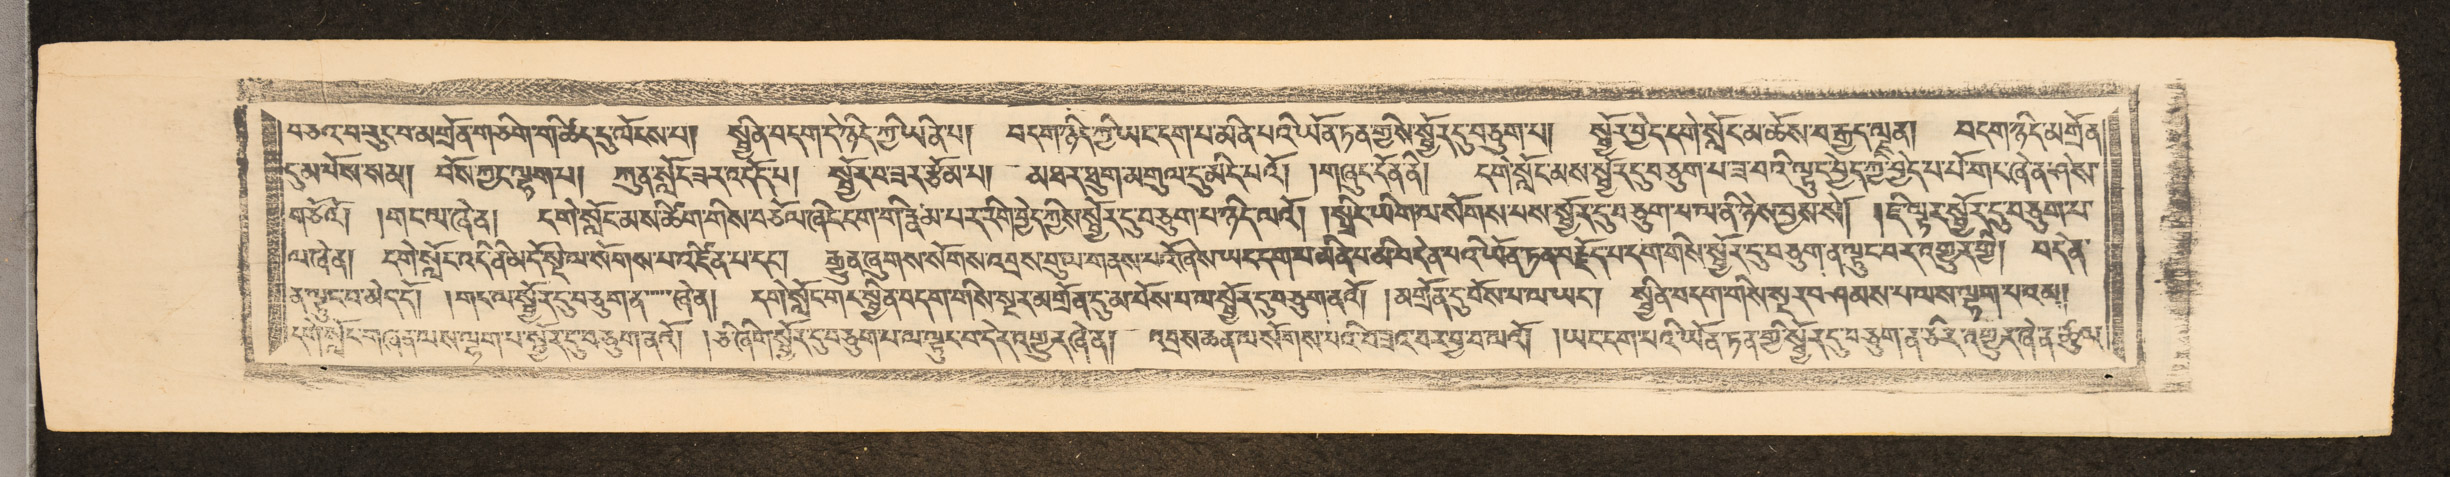བཅའ་བ་རུང་བ་མགྲོན་གཅིག་གི་ཚད་དུ་ལོངས་པ། སྦྱིན་བདག་དེ་ཉིད་ཀྱི་ཡིན་པ། བདག་ཉིད་ཀྱི་ཡང་དག་པ་མིན་པའི་ཡོན་ཏན་གྱིས་སྦྱོར་དུ་བཅུག་པ། སྦྱོར་བྱེད་དགེ་སློང་མ་ཆོས་བརྒྱད་ལྡན། བདག་ཉིད་མགྲོན་
དུམ་པོས་སམ། བོས་ཀྱང་ལྷག་པ། ཀུན་སློང་ཟར་འདོད་པ། སྦྱོར་བ་ཟར་རྩོམ་པ། མཐར་ཐུག་མགུལ་དུ་མིང་པའོ། །གཞུང་དོན་ནི། དགེ་སློང་མས་སྦྱོར་དུ་བཅུག་པ་ཟ་བའི་ལྟུང་བྱེད་ཀྱི་བྱེད་པ་པོ་གང་ཞེ་ན་ཤེས་
གཙོའོ། །གང་ལ་ཞེ་ན། དགེ་སློང་མས་ཚིག་གིས་བཅོལ་ཞིང་ངག་གི་རྣམ་པར་རིག་བྱེད་ཀྱིས་སྦྱོར་དུ་བཅུག་པ་ཉིད་ལའོ། །སྤྲིང་ཡིག་ལ་སོགས་པས་སྦྱོར་དུ་བཅུག་པ་ལ་ནི་ཉེས་བྱས་སོ། །ཇི་ལྟར་སྦྱོར་དུ་བཅུག་པ་
ལ་ཞེ་ན། དགེ་སློང་འདི་ནི་མདོ་སྡེ་ལ་སོགས་པ་འཛིན་པ་དང་། རྒྱུན་ཞུགས་སོགས་འབྲས་བུ་ལ་གནས་པའོ་ཞེས་ཡང་དག་པ་མིན་པ་མི་བདེན་པའི་ཡོན་ཏན་བརྗོད་པ་དག་གིས་སྦྱོར་དུ་བཅུག་ན་ལྟུང་བར་འགྱུར་གྱི། བདེན་
ན་ལྟུང་བ་མེད་དོ། །གང་ལ་སྦྱོར་དུ་བཅུག་ན་ཞེན། དགེ་སློང་གང་སྦྱིན་བདག་གིས་སྔར་མགྲོན་དུ་མ་བོས་པ་ལ་སྦྱོར་དུ་བཅུག་ནའོ། །མགྲོན་དུ་བོས་པ་ལ་ཡང་། སྦྱིན་བདག་གིས་སྔར་བཤམས་པ་ལས་ལྷག་པའམ།
དགེ་སློང་གཞན་ལས་ལྷག་པ་སྦྱོར་དུ་བཅུག་ནའོ། །ཅི་ཞིག་སྦྱོར་དུ་བཅུག་པ་ལ་ལྟུང་བ་དེར་འགྱུར་ཞེ་ན། འབྲས་ཆེན་ལ་སོགས་པའི་བཟའ་བར་བྱ་བ་ལའོ། །ཡང་དག་པའི་ཡོན་ཏན་གྱི་སྦྱོར་དུ་བཅུག་ན་ཅིར་འགྱུར་ཞེ་ན། ཚུལ་